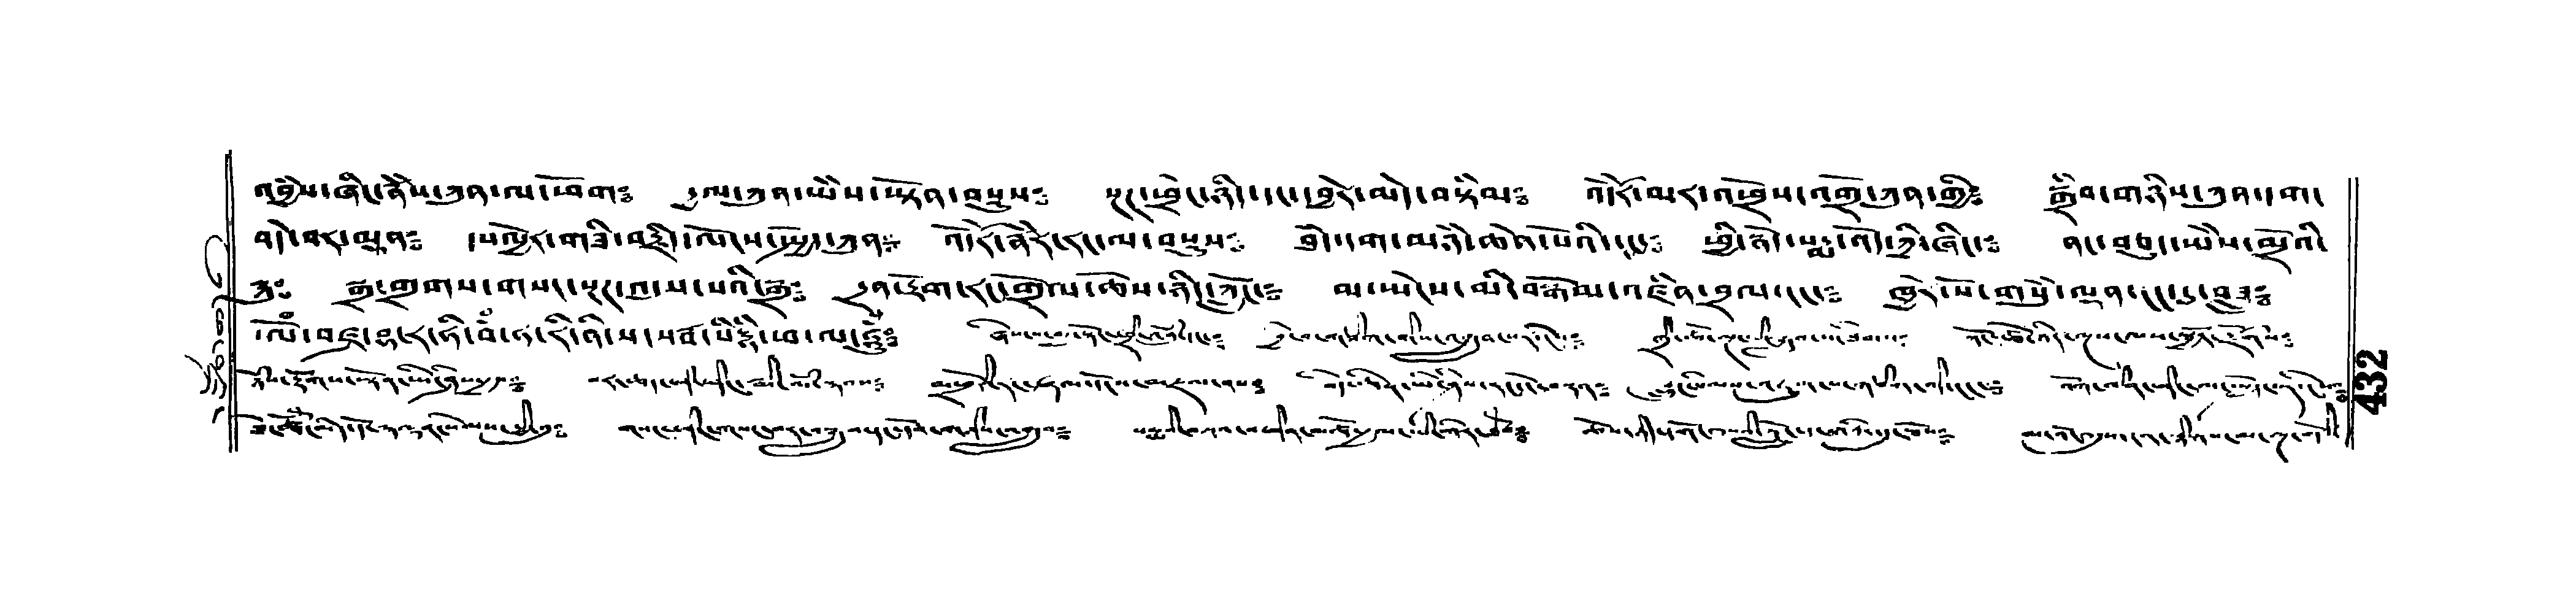འབྱམས་ཞིང་རྣམས་ཀུན་ལ་ཕོག༔ རྒྱལ་ཀུན་ཡེ་ཤེས་ཡོན་ཏན་བསྡུས༔ སྔགས་ཕྲེང་ཉིད་དང་དབྱེར་མེར་བསྟིམ༔ འོད་ཟེར་མར་འཕྲོས་འགྲོ་ཀུན་གྱི༔ སྒྲིབ་གཉིས་ཀུན་དག་
བདེ་བར་ལྡན༔ དཔལ་འབྱོར་གཟི་བརྗིད་ལོངས་སྤྱོད་ཀུན༔ འོད་ཟེར་རྣམ་པར་རང་ལ་བསྡུས༔ ཐམས་ཅད་དག་མཉམ་ཆེན་པོའི་ངང༔ ཕྱི་སྣོད་པདྨ་འོད་ཀྱི་ཞིང༔ ནང་བཅུད་ཡེ་ཤེས་མཁའ་འགྲོའི་
སྐུ༔ སྒྲ་གྲགས་གསང་སྔགས་འདུས་པའི་སྒྲ༔ དྲན་རྟོག་རང་གྲོལ་ཆོས་ཉིད་ཀློང༔ མ་ཡེངས་མི་བསྒོམ་འཛིན་བྲལ་ངང༔ ཁྱེར་སོ་གསུམ་ལྡན་ངང་དུ་བཟླ༔ 
ཨོཾ་བཛྲ་བྷ་ར་ཧི་བྃ་ཧ་རི་ནི་ས་སརྦ་སིདྡྷི་ཕ་ལ་ཧཱུྃ༔ ཞེས་པ་བརྒྱ་སྟོང་ཁྲི་འབུམ་དང༔ བྱེ་བ་གཅིག་གིས་འགྲུབ་པར་ངེས༔ ཁྲི་ཚོ་ལྔ་ཡའི་གྲུབ་པ་ཐེམས༔ སྟོང་ཚོ་ཉེར་ལྔས་ལས་སྦྱོར་རྫོགས༔ 
ཉམས་རྟོགས་ཡོན་ཏན་ཡེ་ཤེས་རྒྱས༔ བར་ཆད་ཞི་ཞིང་རྨི་ལམ་སྐབས༔ མཁའ་འགྲོའི་རང་ཞལ་དངོས་མཇལ་ནས༔ བདེ་ཆེན་ཡེ་ཤེས་རང་ངོ་བསྟན༔ རླུང་སེམས་འཇུག་པ་གཅིག་གི་ངང༔ འོག་མིན་ཞིང་ལ་སྤྱོད་པར་ངེས༔ 
ཐེ་ཚོམ་མེད་དོ་སྐལ་ལྡན་སེམས་ཀྱི་བུ༔ གསང་ཞིང་གསང་བར་སྒྲུབས་དང་དོན་གཉིས་འགྲུབ༔ པདྨའི་བཀའ་བཞིན་མཚོ་རྒྱལ་ཡི་གེར་ཐོབ༔ ཆོས་ཉིད་དགོངས་པའི་ཀློང་དང་གཏེར་དུ་སྦོས༔ མ་འོངས་དུས་ངན་སྙིགས་མ་ལྔ་བདོའི་